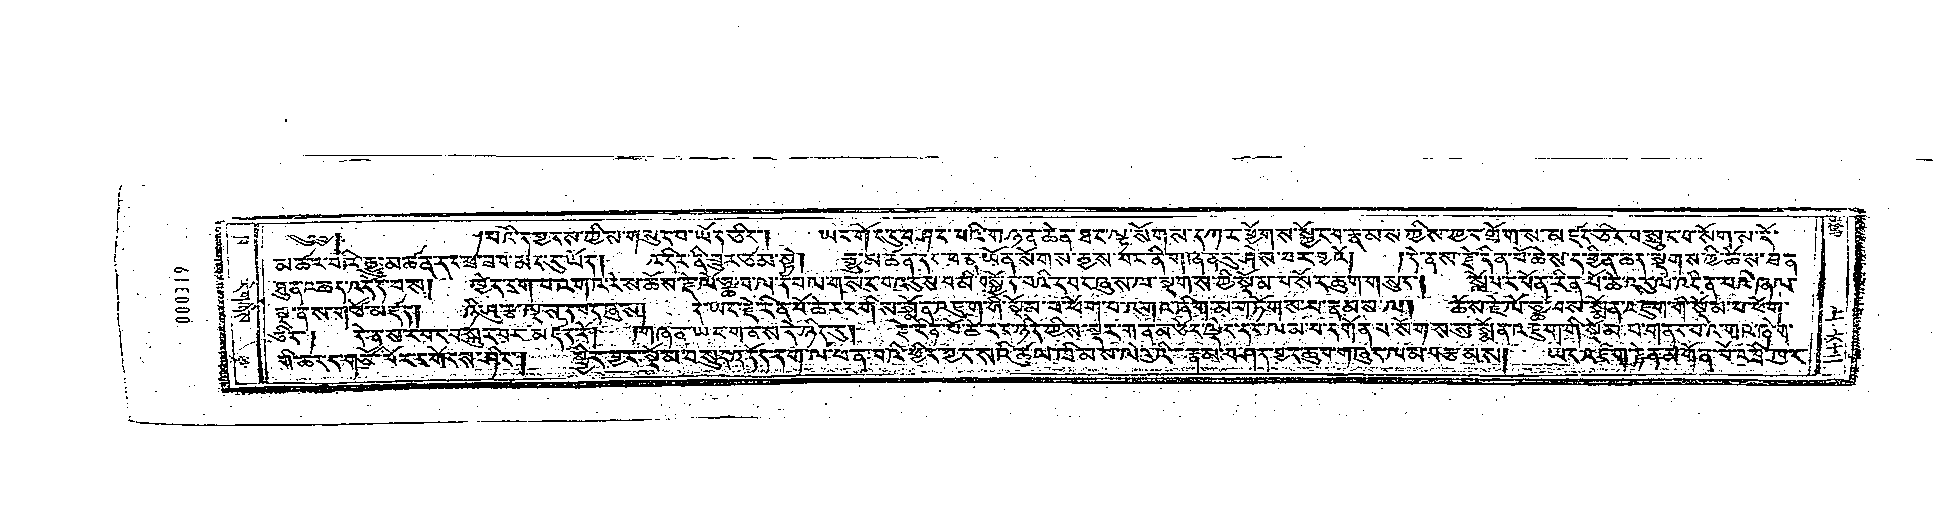༄༅། །པའི་དབྱངས་ཀྱིས་གསུང་བ་ཡོད་ཅིང་། ཡང་གོང་དུ་བཤད་པའི་གཉན་ཆེན་ཐང་ལྷ་སོགས་དཀར་ཕྱོགས་སྐྱོང་བ་རྣམས་ཀྱིས་ཀྱང་གྲོགས་མཛད་ཅིང་བསྲུང་བ་སོགས་དོ་
མཚར་བའི་རྒྱུ་མཚན་དང་ཕྲ་ཟབ་མང་དུ་ཡོད། འདིར་ནི་ཟུར་ཙམ་སྟེ། རྒྱུ་མཚན་དང་ཕན་ཡོན་སོགས་རྒྱས་པར་ནི་གཞན་དུ་ཤེས་པར་བྱའོ། །དེ་ནས་རྗེ་རིན་པོ་ཆེས་ད་ཕྱིན་ཆད་སྔགས་ཀྱི་ཆོས་ཐན་
ཐུན་འཆད་འདོད་པས། ཁྱེད་དྲག་པ་འགའ་རེས་ཆོས་རྗེ་ལོ་ཙྪ་བ་ལ་དཔལ་གསང་བ་འདུས་པ་མི་བསྐྱོད་པའི་དབང་ཞུས་ལ་སྔགས་ཀྱི་སྡོམ་པ་སོར་ཆུག་གསུང་། སློབ་དཔོན་རིན་པོ་ཆེ་འདུལ་འདིན་པའི་ཞལ་
སྔ་ནས་གཙོ་མཛད། ཉི་ཤུ་རྩ་ལྔས་དབང་ཞུས། དེ་ཡང་རྗེ་རིན་པོ་ཆེ་རང་གིས་སྨོན་འཇུག་གི་སྡོམ་པ་ཕོག་པ་འགའ་ཞིག་མ་གཏོགས་པ་རྣམས་ལ། ཆོས་རྗེ་ལོ་ཙྪ་བས་སྨོན་འཇུག་གི་སྡོམ་པ་ཕོག་
ཅིང་། དེ་ནས་དབང་བསྐུར་བར་མཛད་དོ། །གཞན་ཡང་གནས་དེ་ཉིད་དུ། རྗེ་རིན་པོ་ཆེ་རང་ཉིད་ཀྱིས་སྔར་གནམ་ཅིང་ལྡེང་དང་ལམ་པ་དགོན་པ་སོགས་སུ་སྨོན་འཇུག་གི་སྡོམ་པ་གནང་པ་འགའ་ཞིག་
གི་ཆེད་དུ་གཙོ་བོ་རང་དགོངས་ཤིང་། སྤྱིར་བྱང་སྡོམ་བསྲུང་འདོད་དག་ལ་ཕན་པའི་ཕྱིར་བྱང་སའི་ཚུལ་ཁྲིམས་ལེའུའི་རྣམ་བཤད་བྱང་ཆུབ་གཞུང་ལམ་བརྩམས། ཡང་འཇིག་རྟེན་མགོན་པོ་འབྲི་ཁུང་